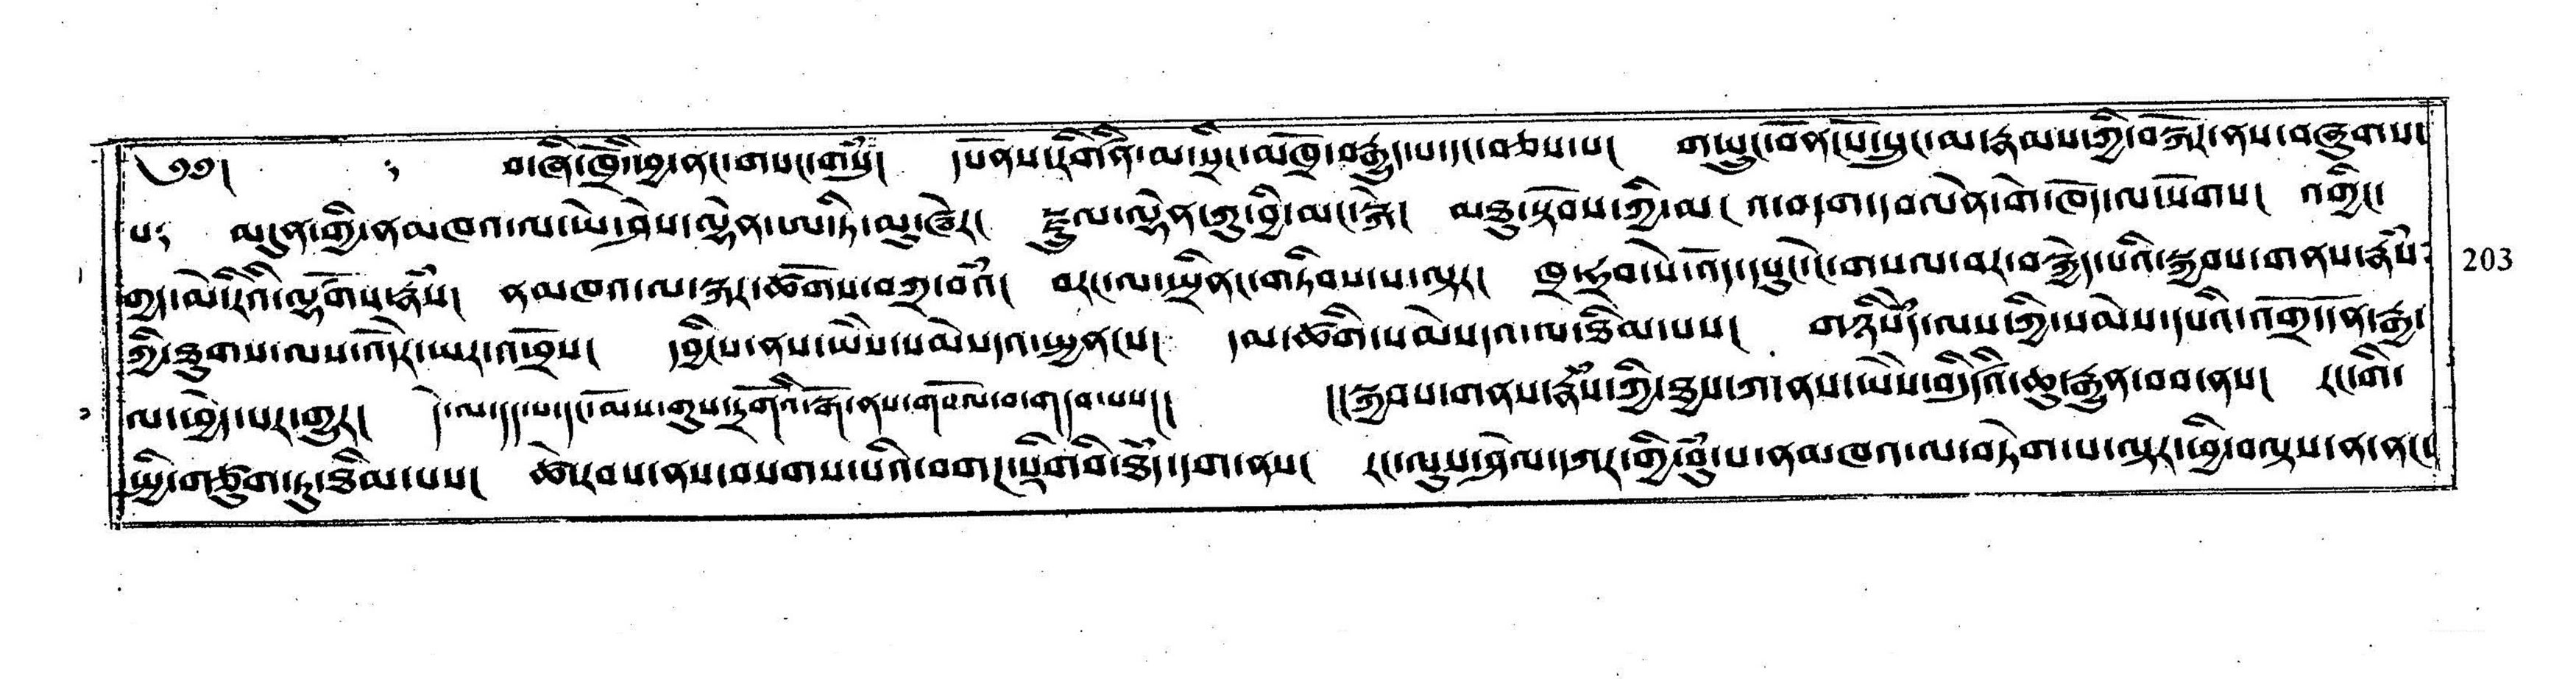བ་ཞི་ཁྲོ་ཕྱི་ནང་གསང་གསུམ། དཔོན་གསས་རིག་འཛིན་མ་སྲིང་མཁའ་འགྲོ་བརྒྱུད་པ་དང་བཅས་པ། གཡུང་དྲུང་བོན་སྐྱོངས་སྲུང་མ་རྣམས་ཀྱི་བསྐོར་ནས་བཞུགས་
པ། མདུན་གྱི་ནམ་མཁའ་ལ་ཡེ་ཤེས་ལྷ་ཆེན་ཨ་ཏི་མུ་ཝེར། རྫུ་འཕྲུལ་ལྷ་ཆེན་ཀུ་བྱི་མང་སྐེ། མཐུ་སྟོབས་ཀྱི་མངའ་བདག་དབལ་ཆེན་གེ་ཁོད་ལ་སོགས། འགྱིང་
གྱད་མེ་རིའི་ལྷ་ཚོགས་རྣམས། ནམ་མཁའ་ལ་སྐར་ཚོགས་བཀྲ་བའམ། བར་སྣང་ལ་སྤྲིན་དཔུང་གཏིབས་པ་ལྟར། ཁྲ་ཧྲབ་སེ་འོད་དཔུང་ངེ་གསལ་བར་བསྐྱེད་པའི་སྐྱབས་གནས་རྣམས་
ཀྱི་ཐུགས་ལས་འོད་ཟེར་ཡར་འཕྲོས། དབྱིངས་ནས་ཡེ་ཤེས་སེམས་དཔའ་སྤྱན་དྲངས། དམ་ཚིག་སེམས་དཔའ་ལ་ཐིམ་པས། གཉིས་མེད་ལས་ཀྱི་སེམས་དཔའི་འགྲོ་དོན་རྒྱ་
ལག་ཕྱེད་པར་གྱུར། དེ་ལ་དད་པ་དང་མོས་གུས་དྲག་པོའི་སྒོ་ནས་གསོལ་བ་གདབ་པས།། །།སྐྱབས་གནས་རྣམས་ཀྱི་ཐུགས་ཀ་ནས་ཡེ་ཤེས་བདུད་རྩིའི་ཆུ་རྒྱུན་བབ་ནས། རང་གི་
སྤྱི་གཙུག་ཏུ་ཐིམ་པས། ཚེ་རབས་ནས་བསགས་པའི་བག་ཆགས་སྡིག་སྒྲིབ་ཐམས་ཅད་དག་ནས། རང་ལུས་ཤེལ་དཀར་གྱི་བུམ་པ་ནམ་མཁའ་ལ་བཏེག་པ་ལྟར་ཕྱི་བལྟས་ན་ནང་